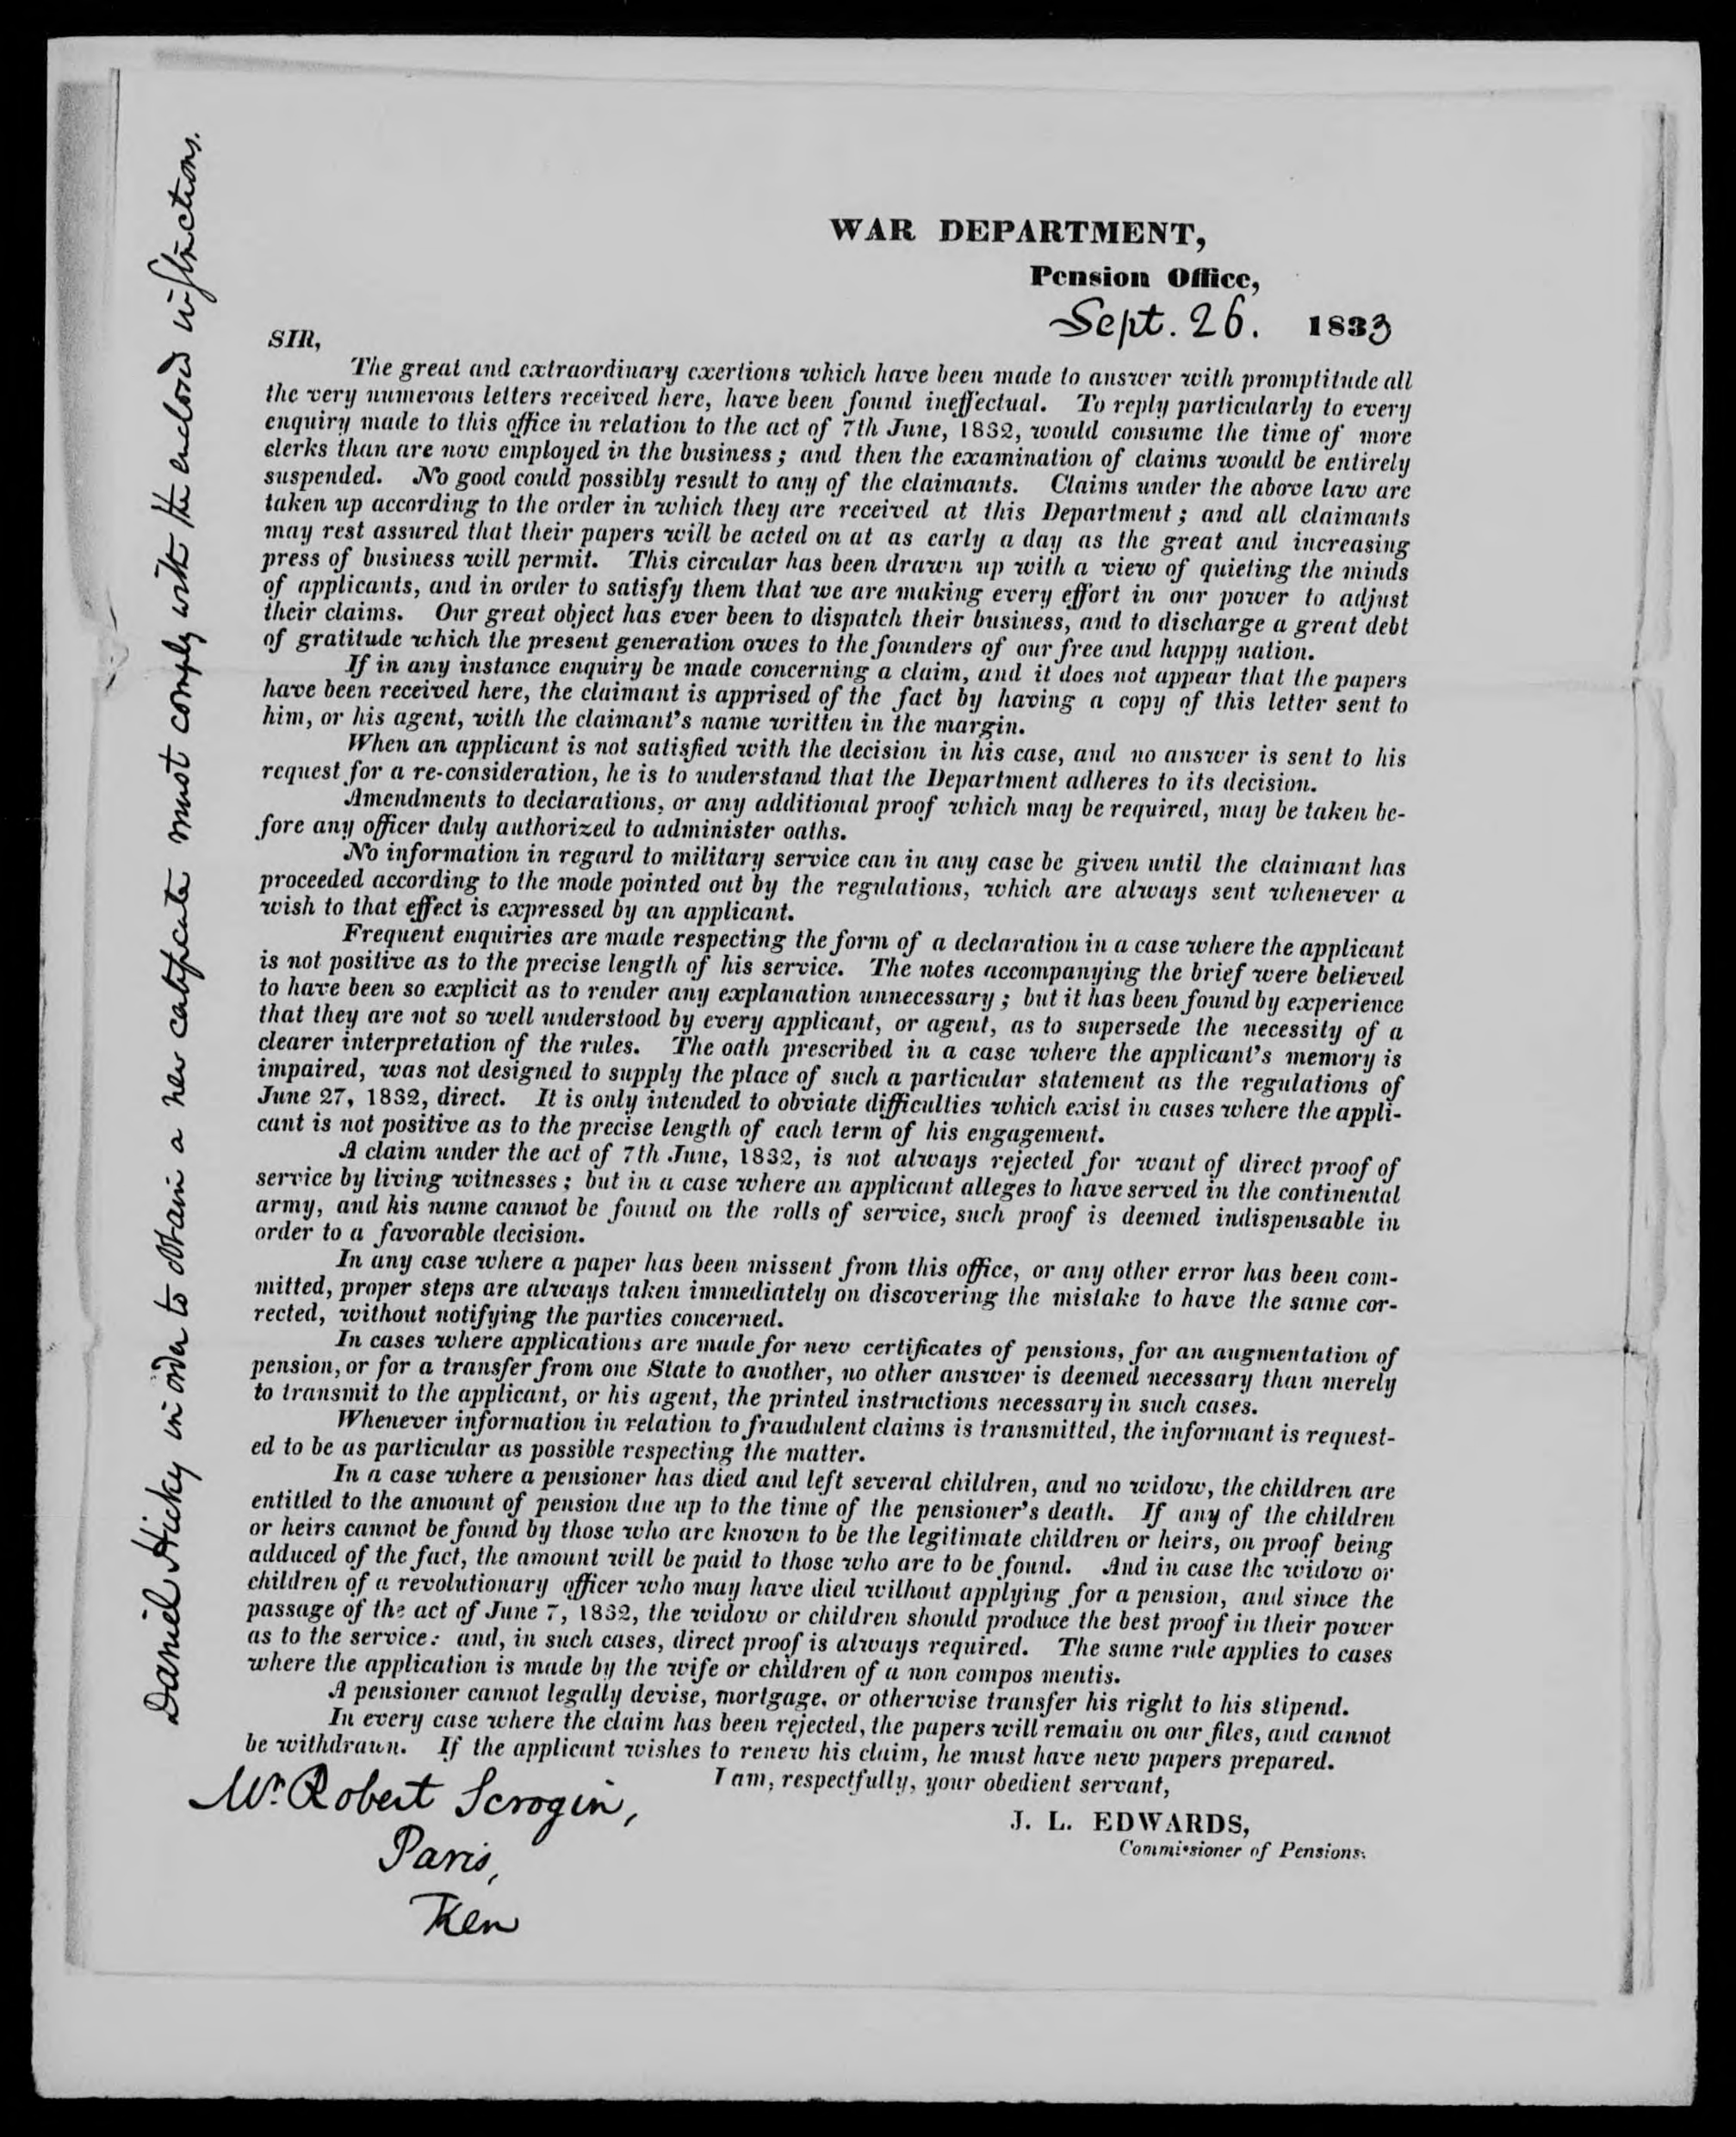[side margin, handwritten] Daniel Hickey in order to obtain a new certificate must comply with the enclosed instructions.

[main printed text]
WAR DEPARTMENT,
Pension Office,
Sept. 26. 1833
SIR, 
The great and extraordinary exertions which have been made to answer with promptitude all the very numerous letters received here, have been found ineffectual. To reply particularly to every enquiry made this office in relation to the act of 7th June, 1832, would consume the time of more clerks than are now employed in the business; and then the examination of claims would be entirely
suspended. No good could possibly result to any of the claimants. Claims under the above law are taken up according to the order in which they are received at this Department; and all claimants may rest assured that their papers will be acted on at as early a day as the great and increasing press of business will permit. This circular has been drawn up with a view of quieting the minds of applicants, and in order to satisfy the that we are making every effort in our power to adjust
their claims. Our great object has ever been to dispatch their business, and to discharge a great debt of gratitude which the present generation owes to the founders of our free and happy nation.
If in any instance enquiry be made concerning a claim, and it does not appear that the papers have been received here, the claimant is apprised of the fact by having a copy of this letter sent to him, or his agent, with the claimant's name written in the margin.
When an applicant is not satisfied with the decision in his case, and no answer is sent to his request for a re-consideration, he is to understand that the Department adheres to its decision.
Amendments to declarations, or any additional proof which may be required, may be taken before any officer duly authorized to administer oaths.
No information in regard to military service can in any case be given until the claimant has proceeded according to the mode pointed out by the regulations, which are always sent whenever a wish to that effect is expressed by an applicant.
Frequent enquiries are made respecting the form of a declaration in a case where the applicant is not positive as to the precise length of his service. The notes accompanying the brief were believed
to have been so explicit as to render any explanation unnecessary; but it has been found by experience that they are not so well understood by every applicant, or agent, as to supersede the necessity of a clearer interpretation of the rules. The oath prescribed in a case where the applicant's memory is impaired, was not designed to supply the place of such a particular statement as the regulations of
June 7, 1832, direct. It is only intended to obviate difficulties which exist in cases where the applicant is not positive as to the precise length of each term of engagement. 
A claim under the act of 7th June, 1832, is not always rejected for want of direct proof of
service by living witnesses; but in a case where an applicant alleges to have served in the continental army, and his name cannot be found on the rolls of service, such proof is deemed indispensable in order to a favorable decision.
In any case where a paper has been missent from this office, or any other error has been committed, proper steps are always taken immediately on discovering the mistake to have the same corrected, without notifying the parties concerned.
In cases where applications are made for new certificates of pensions, for an augmentation of pension, or for a transfer from one State to another, no other answer is deemed necessary than merely to transmit to the applicant, or his agent, the printed instructions necessary in such cases.
Whenever information in relation to fraudulent claims is transmitted, the informant is requested to be as particular as possible respecting the matter.
In a case where a pensioner has died and left several children, and no widow, the children are entitled to the amount of pension due up to the time of the pensioner's death. If any of the children or heirs cannot be found by those who are known to be the legitimate children or heirs, on proof being adduced of the fact, the amount will be paid to those who are to be found. And in case the widow or
children of a revolutionary officer who may have died without applying for a pension, and since the passage of the act of June 7, 1832, the widow or children should produce the best proof in their power as to the service: and, in such cases, direct proof always required. The same rule applies to cases
where the application is made by the wife or children of a non compos mentis.
A pensioner cannot legally devise, mortgage, or otherwise transfer his right to his stipend.
In every case where the claim has been rejected, the papers will remain on our files, and cannot be withdrawn. If the applicant wishes to renew his claim, he must have new papers prepared.
I am, respectfully, your obedient servant,
J. L. EDWARDS.
Commissioner of Pensions.
Mr. Robert Scrogin,
Paris,
Ken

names: Robert Scrogin, J L Edwards, Daniel Hicky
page: 59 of 84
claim: widow's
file: W. 7744, Daniel Hickey, Penn.